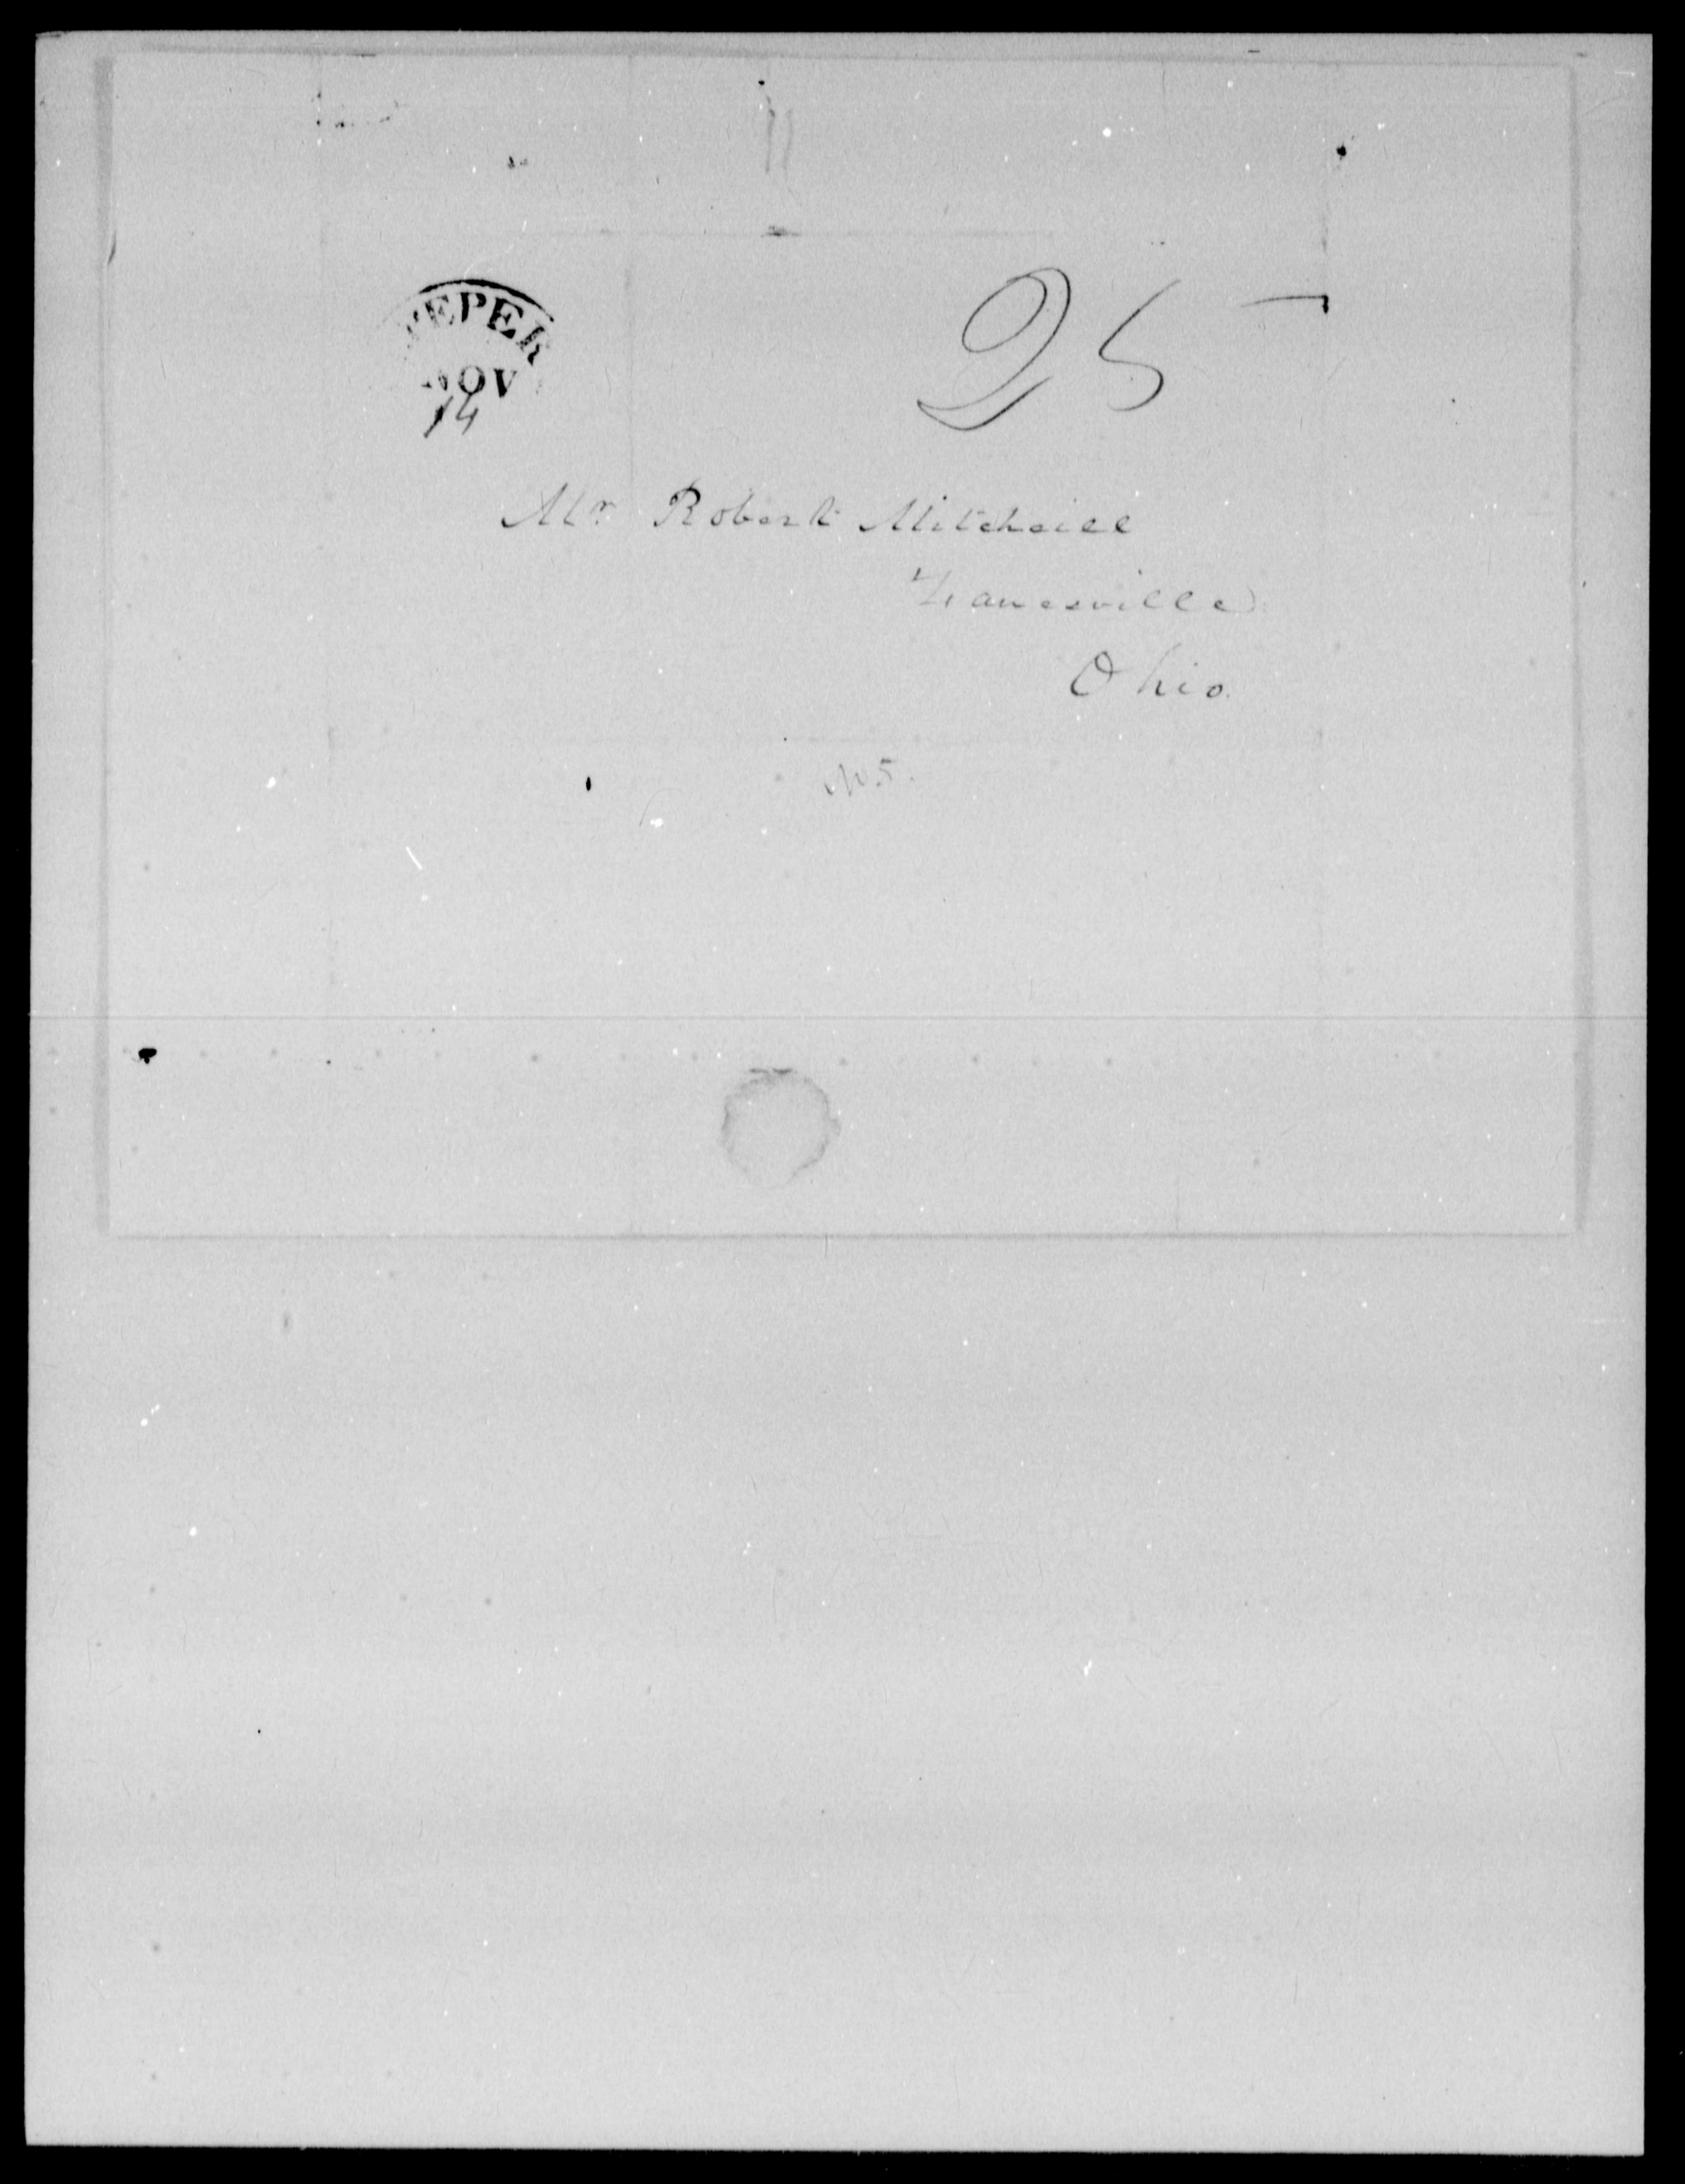25
Mr. Robert Mitchell
Zanesville
Ohio
No 5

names: Robert Mitcheill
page: 67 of 84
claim: widow's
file: W.11104, for John Remay, Virginia